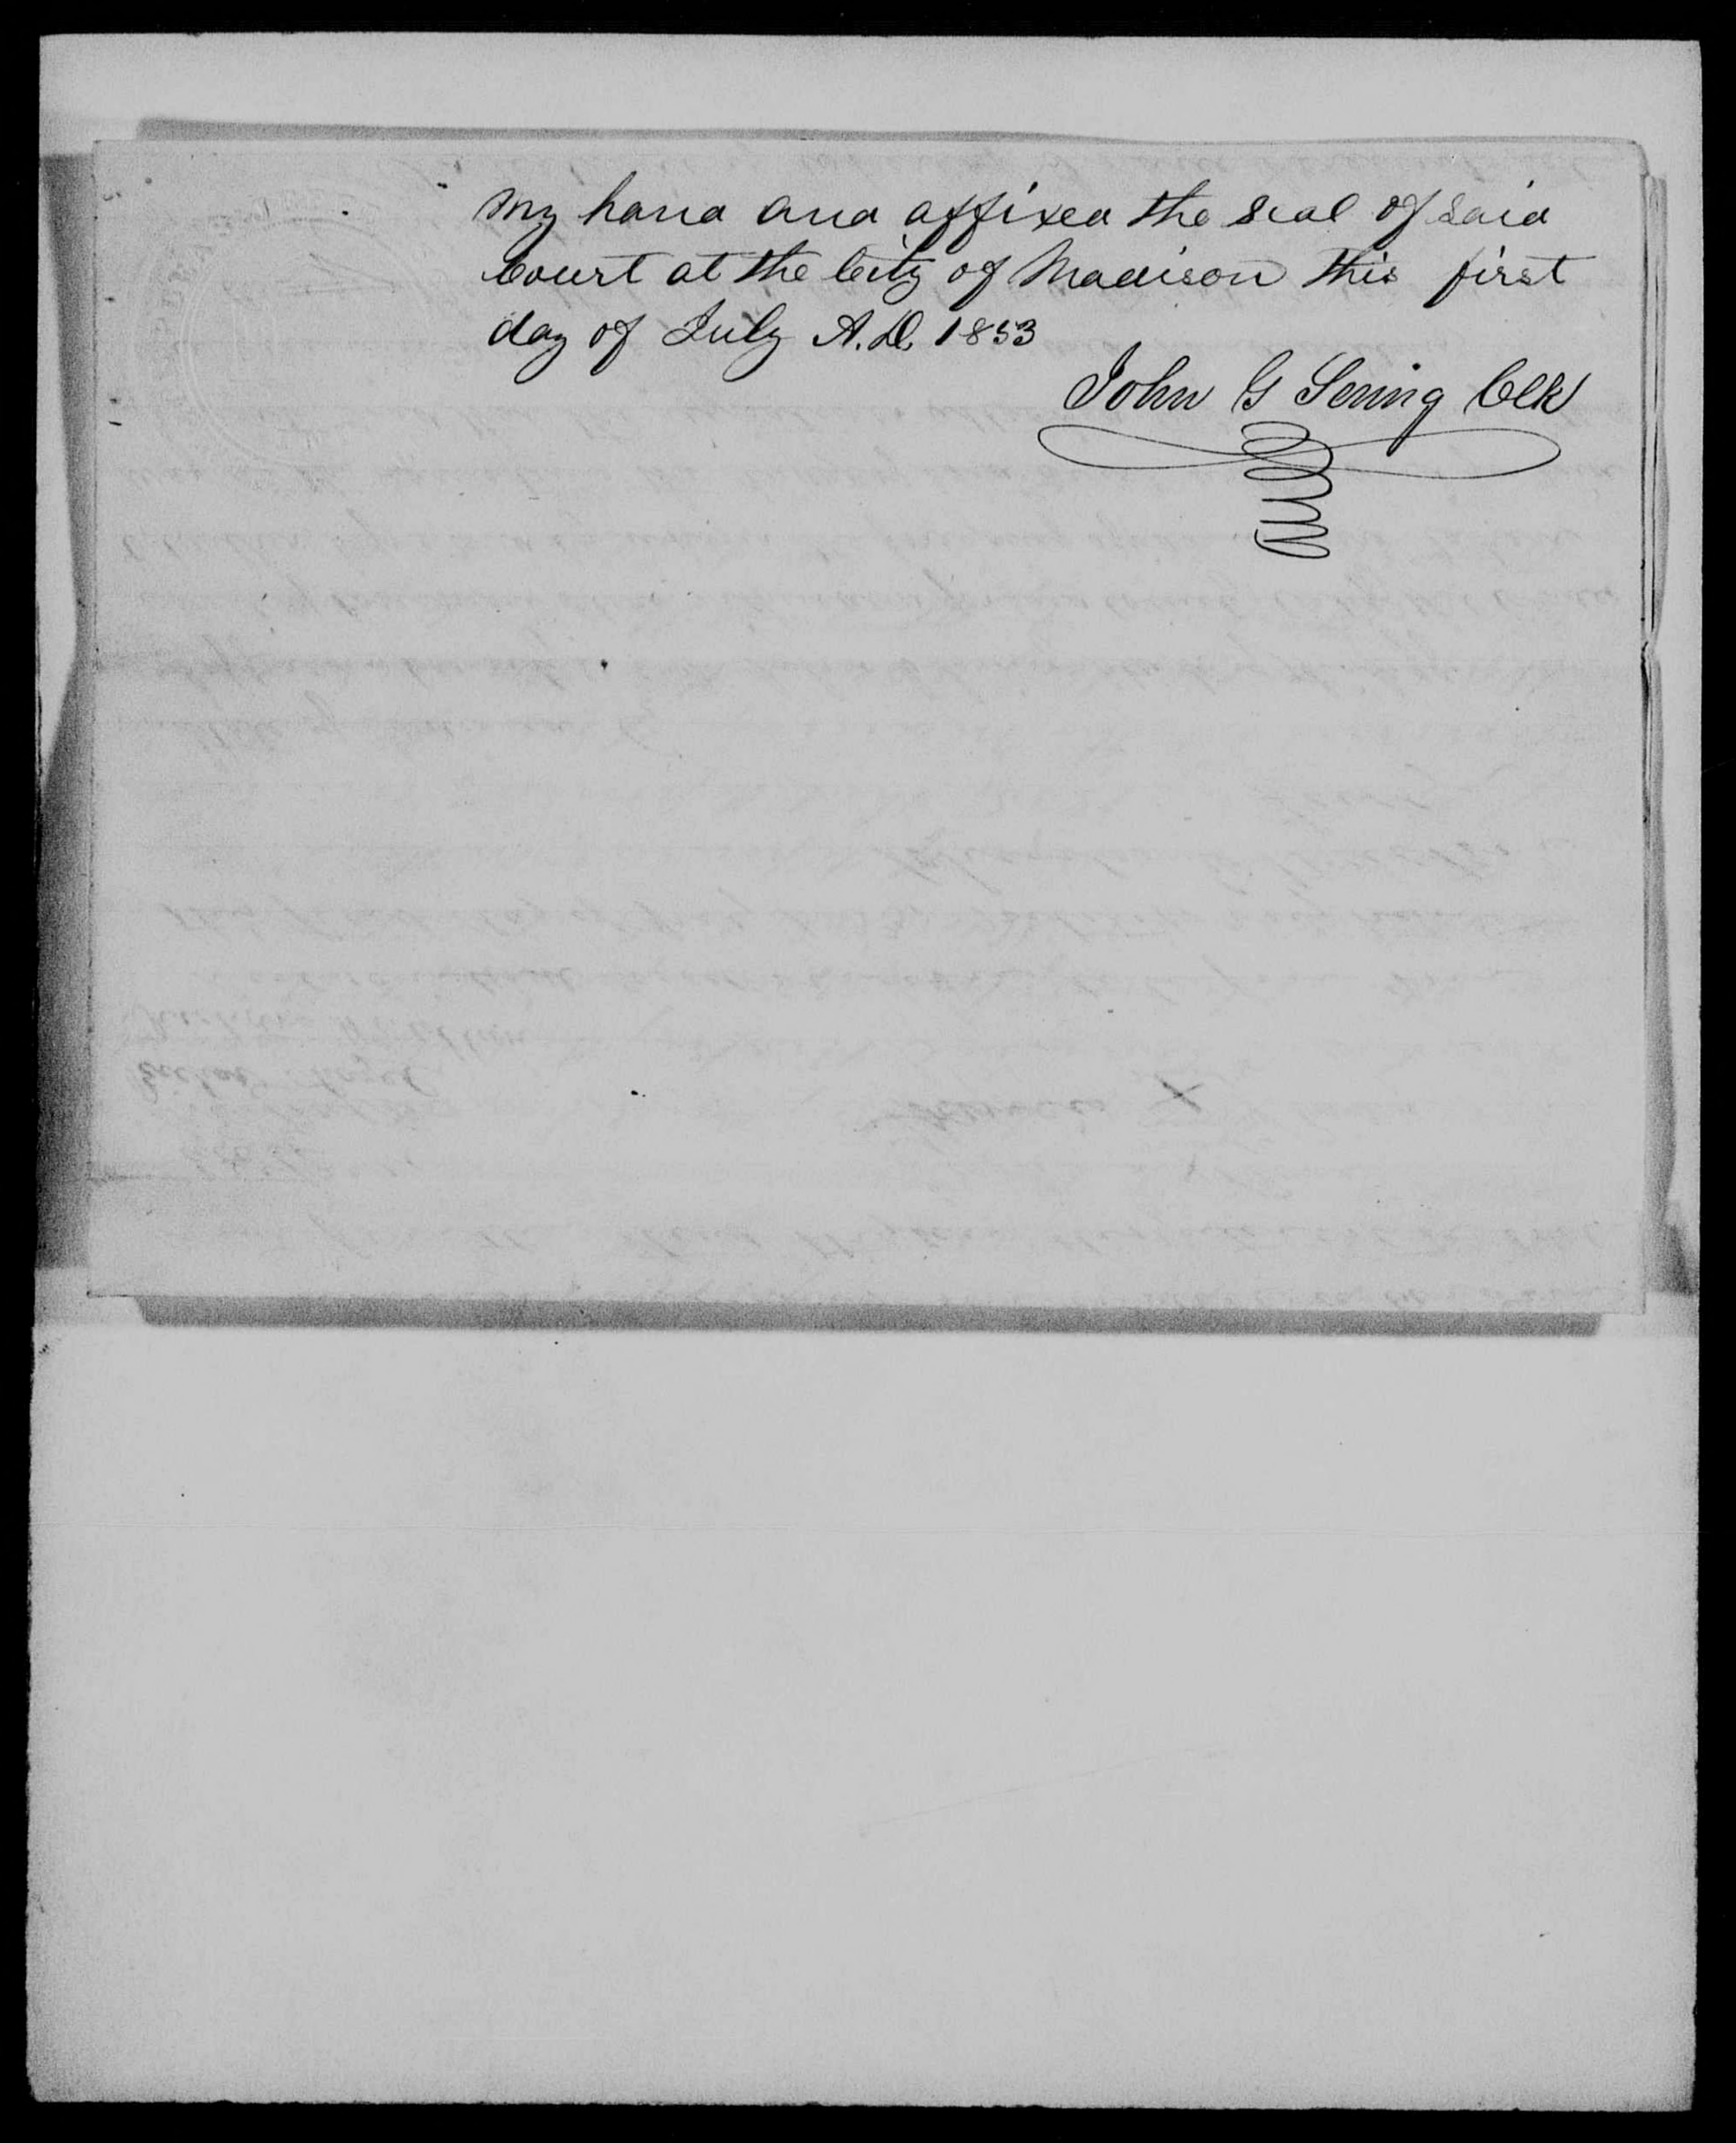my hand and affixed the seal of said
Court at the City of Madison this first
day of July A.D. 1853
John G Sering Clk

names: John G Sering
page: 40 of 84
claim: widow's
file: W. 7744, Daniel Hickey, Penn.